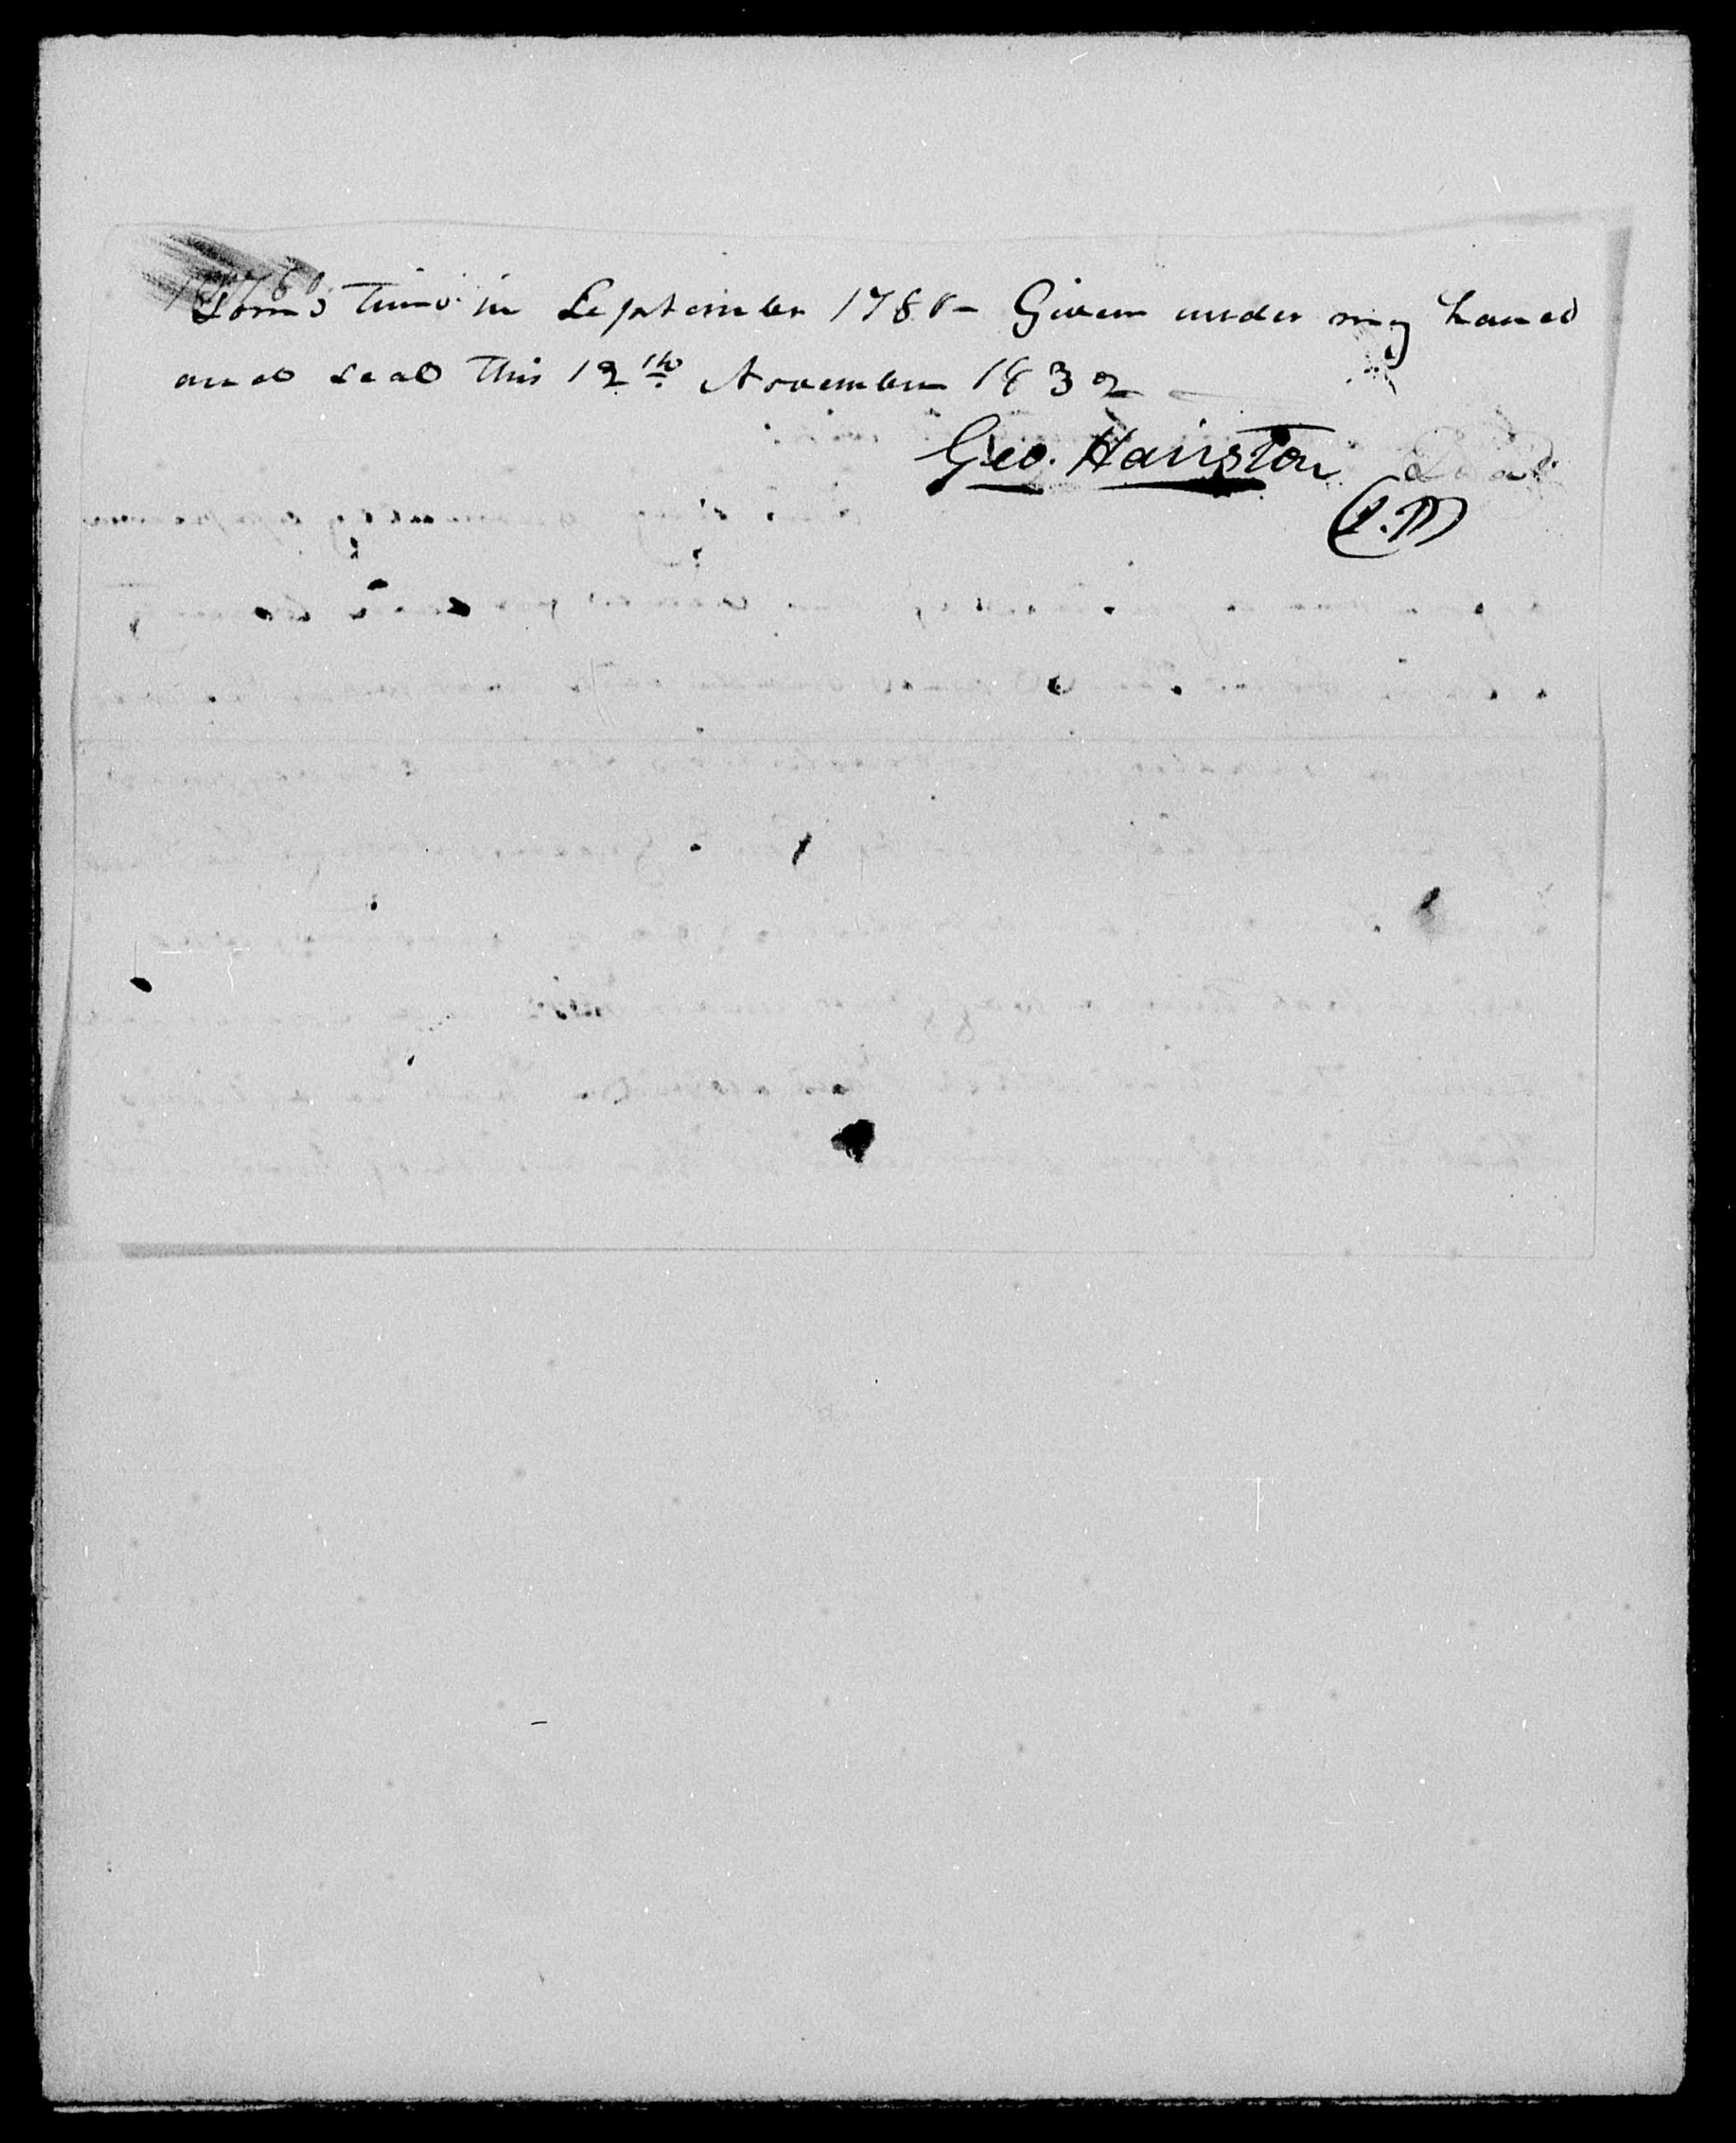some time in September 1780- Given under my and seal this 13th November 1832
Geo. Hanston (seal)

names: Geo Hanston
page: 12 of 20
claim: survivor's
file: S. 8519, Lewis Franklin, N.C. Va.